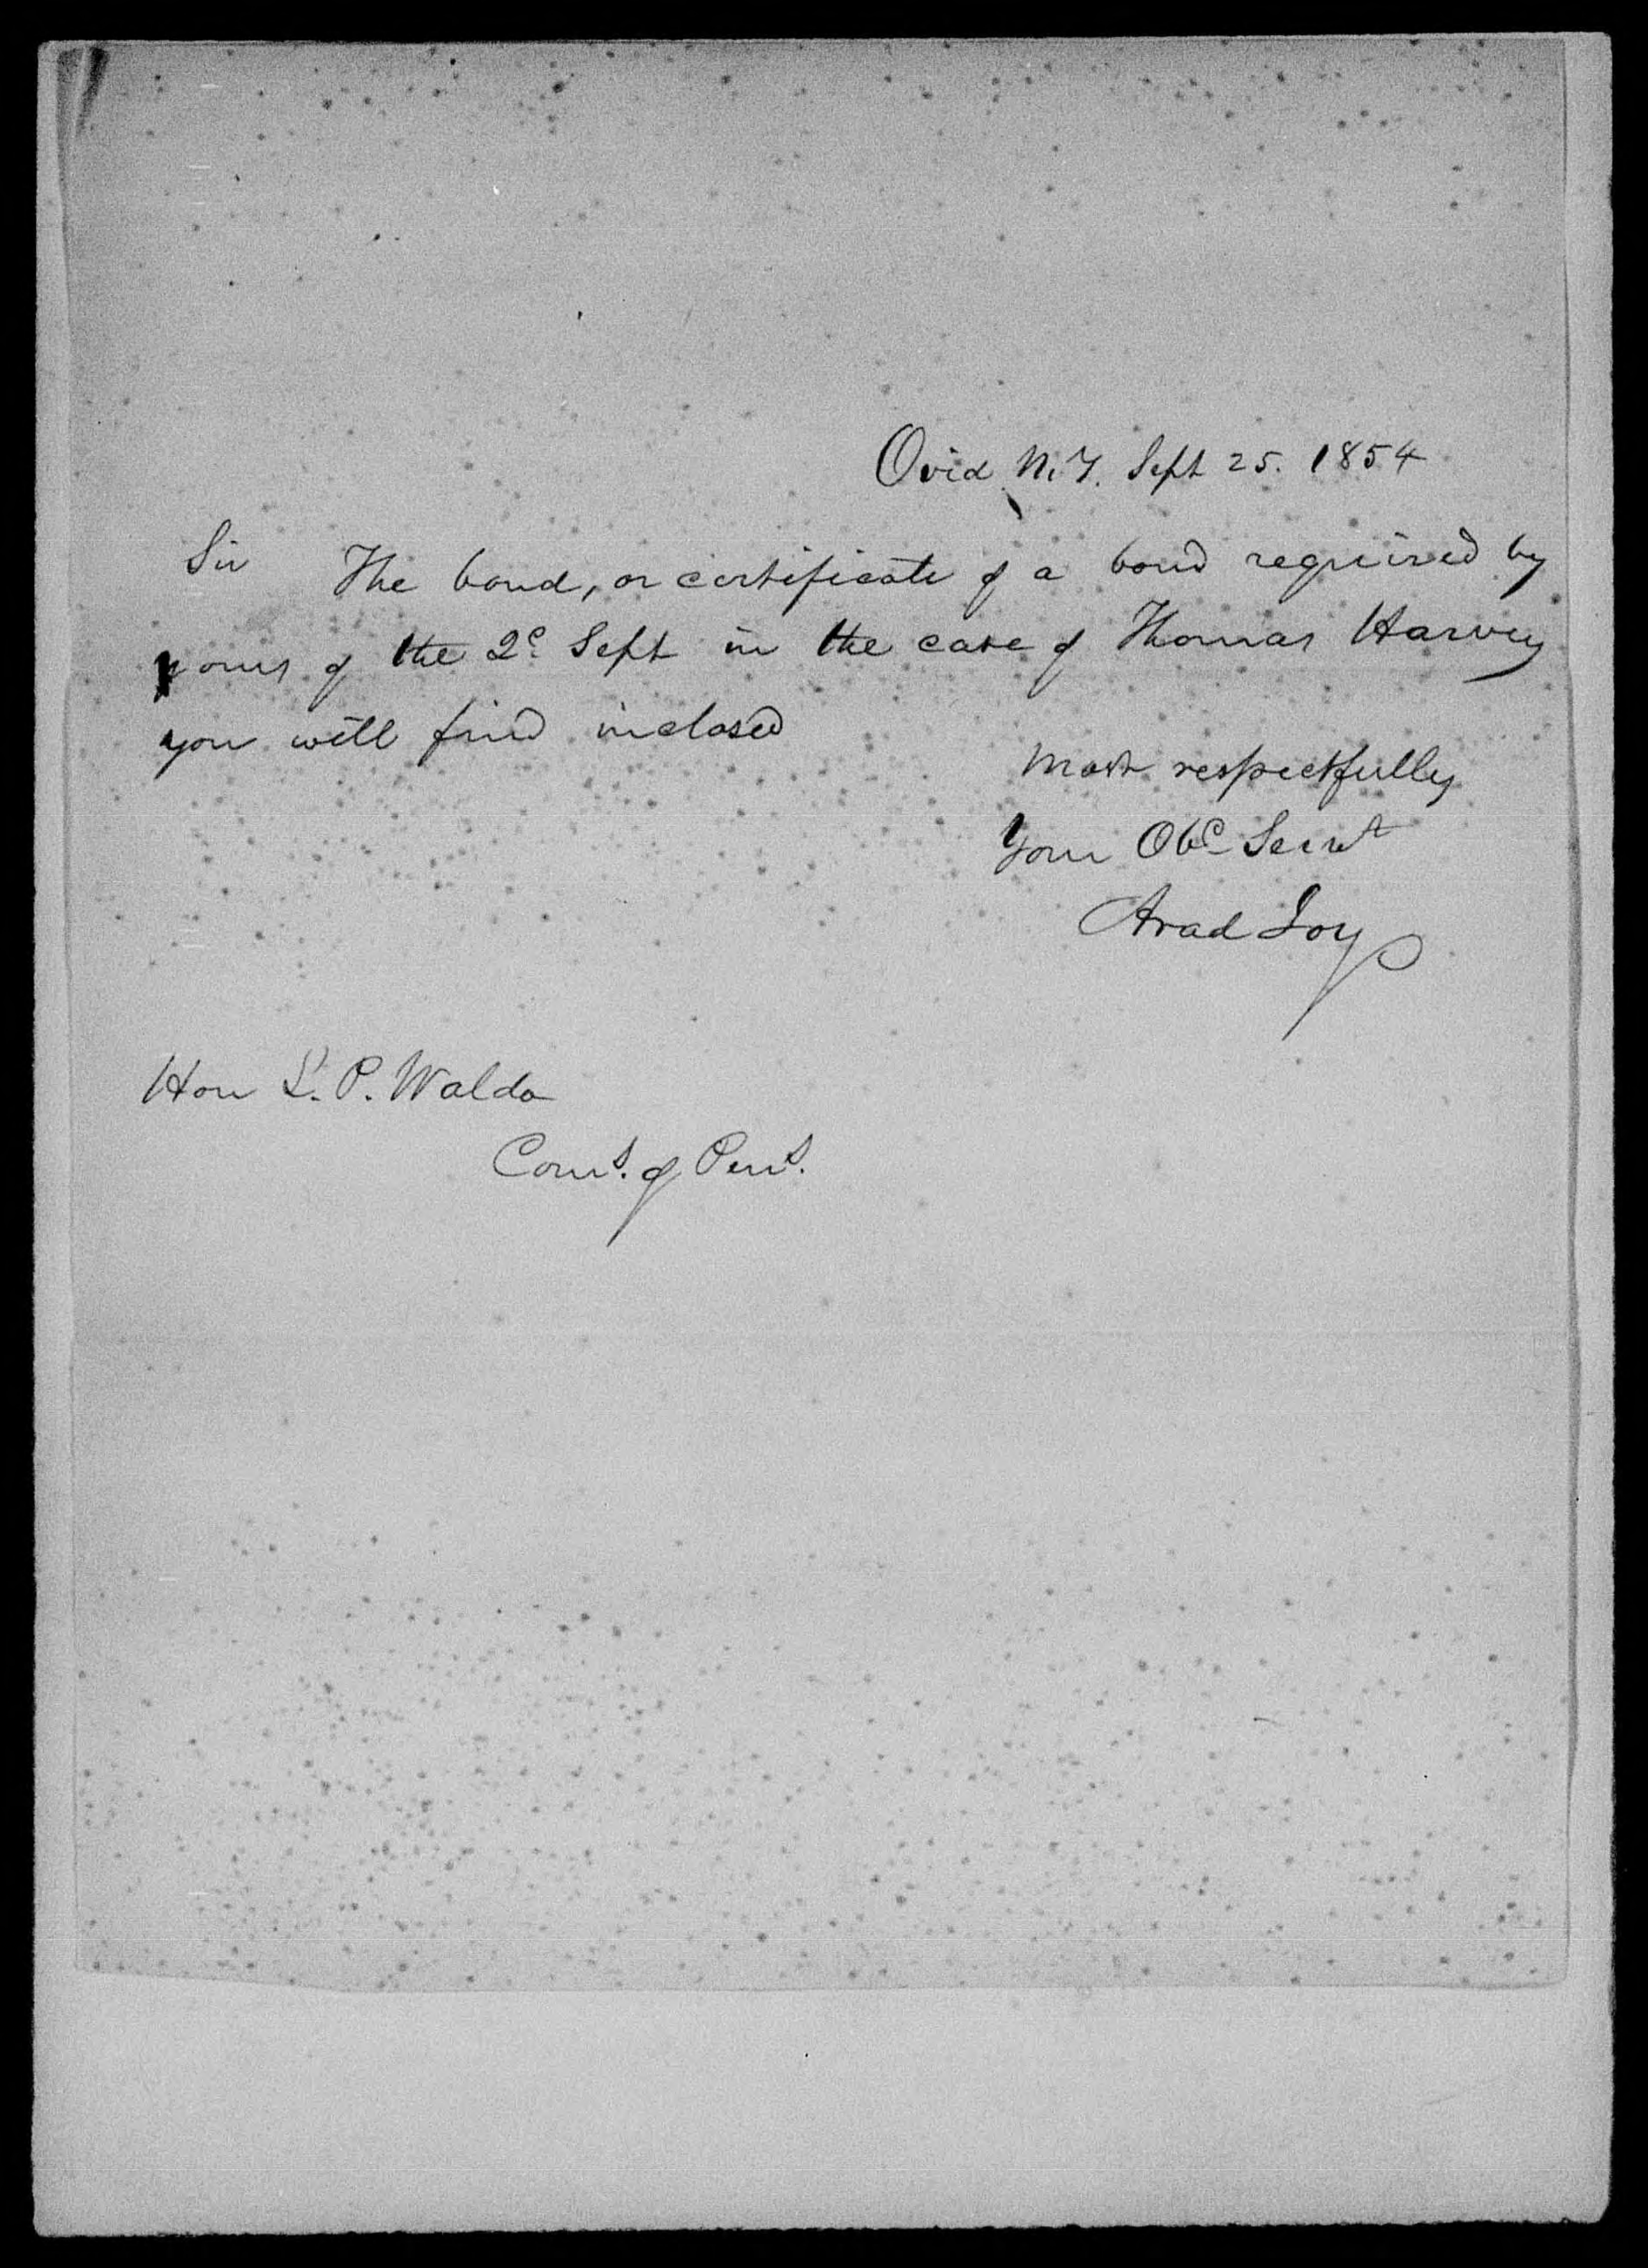[handwritten letter]
Ovid N.Y. Sept 25, 1854

Sir
The bond, or certificate of a bond required by yours of the 2d Sept in the case of Thomas Harvey you will find inclosed
Most respectfully Your Ob't Serv't
/s/Arad Joy
Hon. L. P. Waldo
Com'r of Pens.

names: Arad Joy, L P Waldo, Thomas Harvey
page: 35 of 80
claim: survivor's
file: S. 18008, Thomas Harvey, N.H.